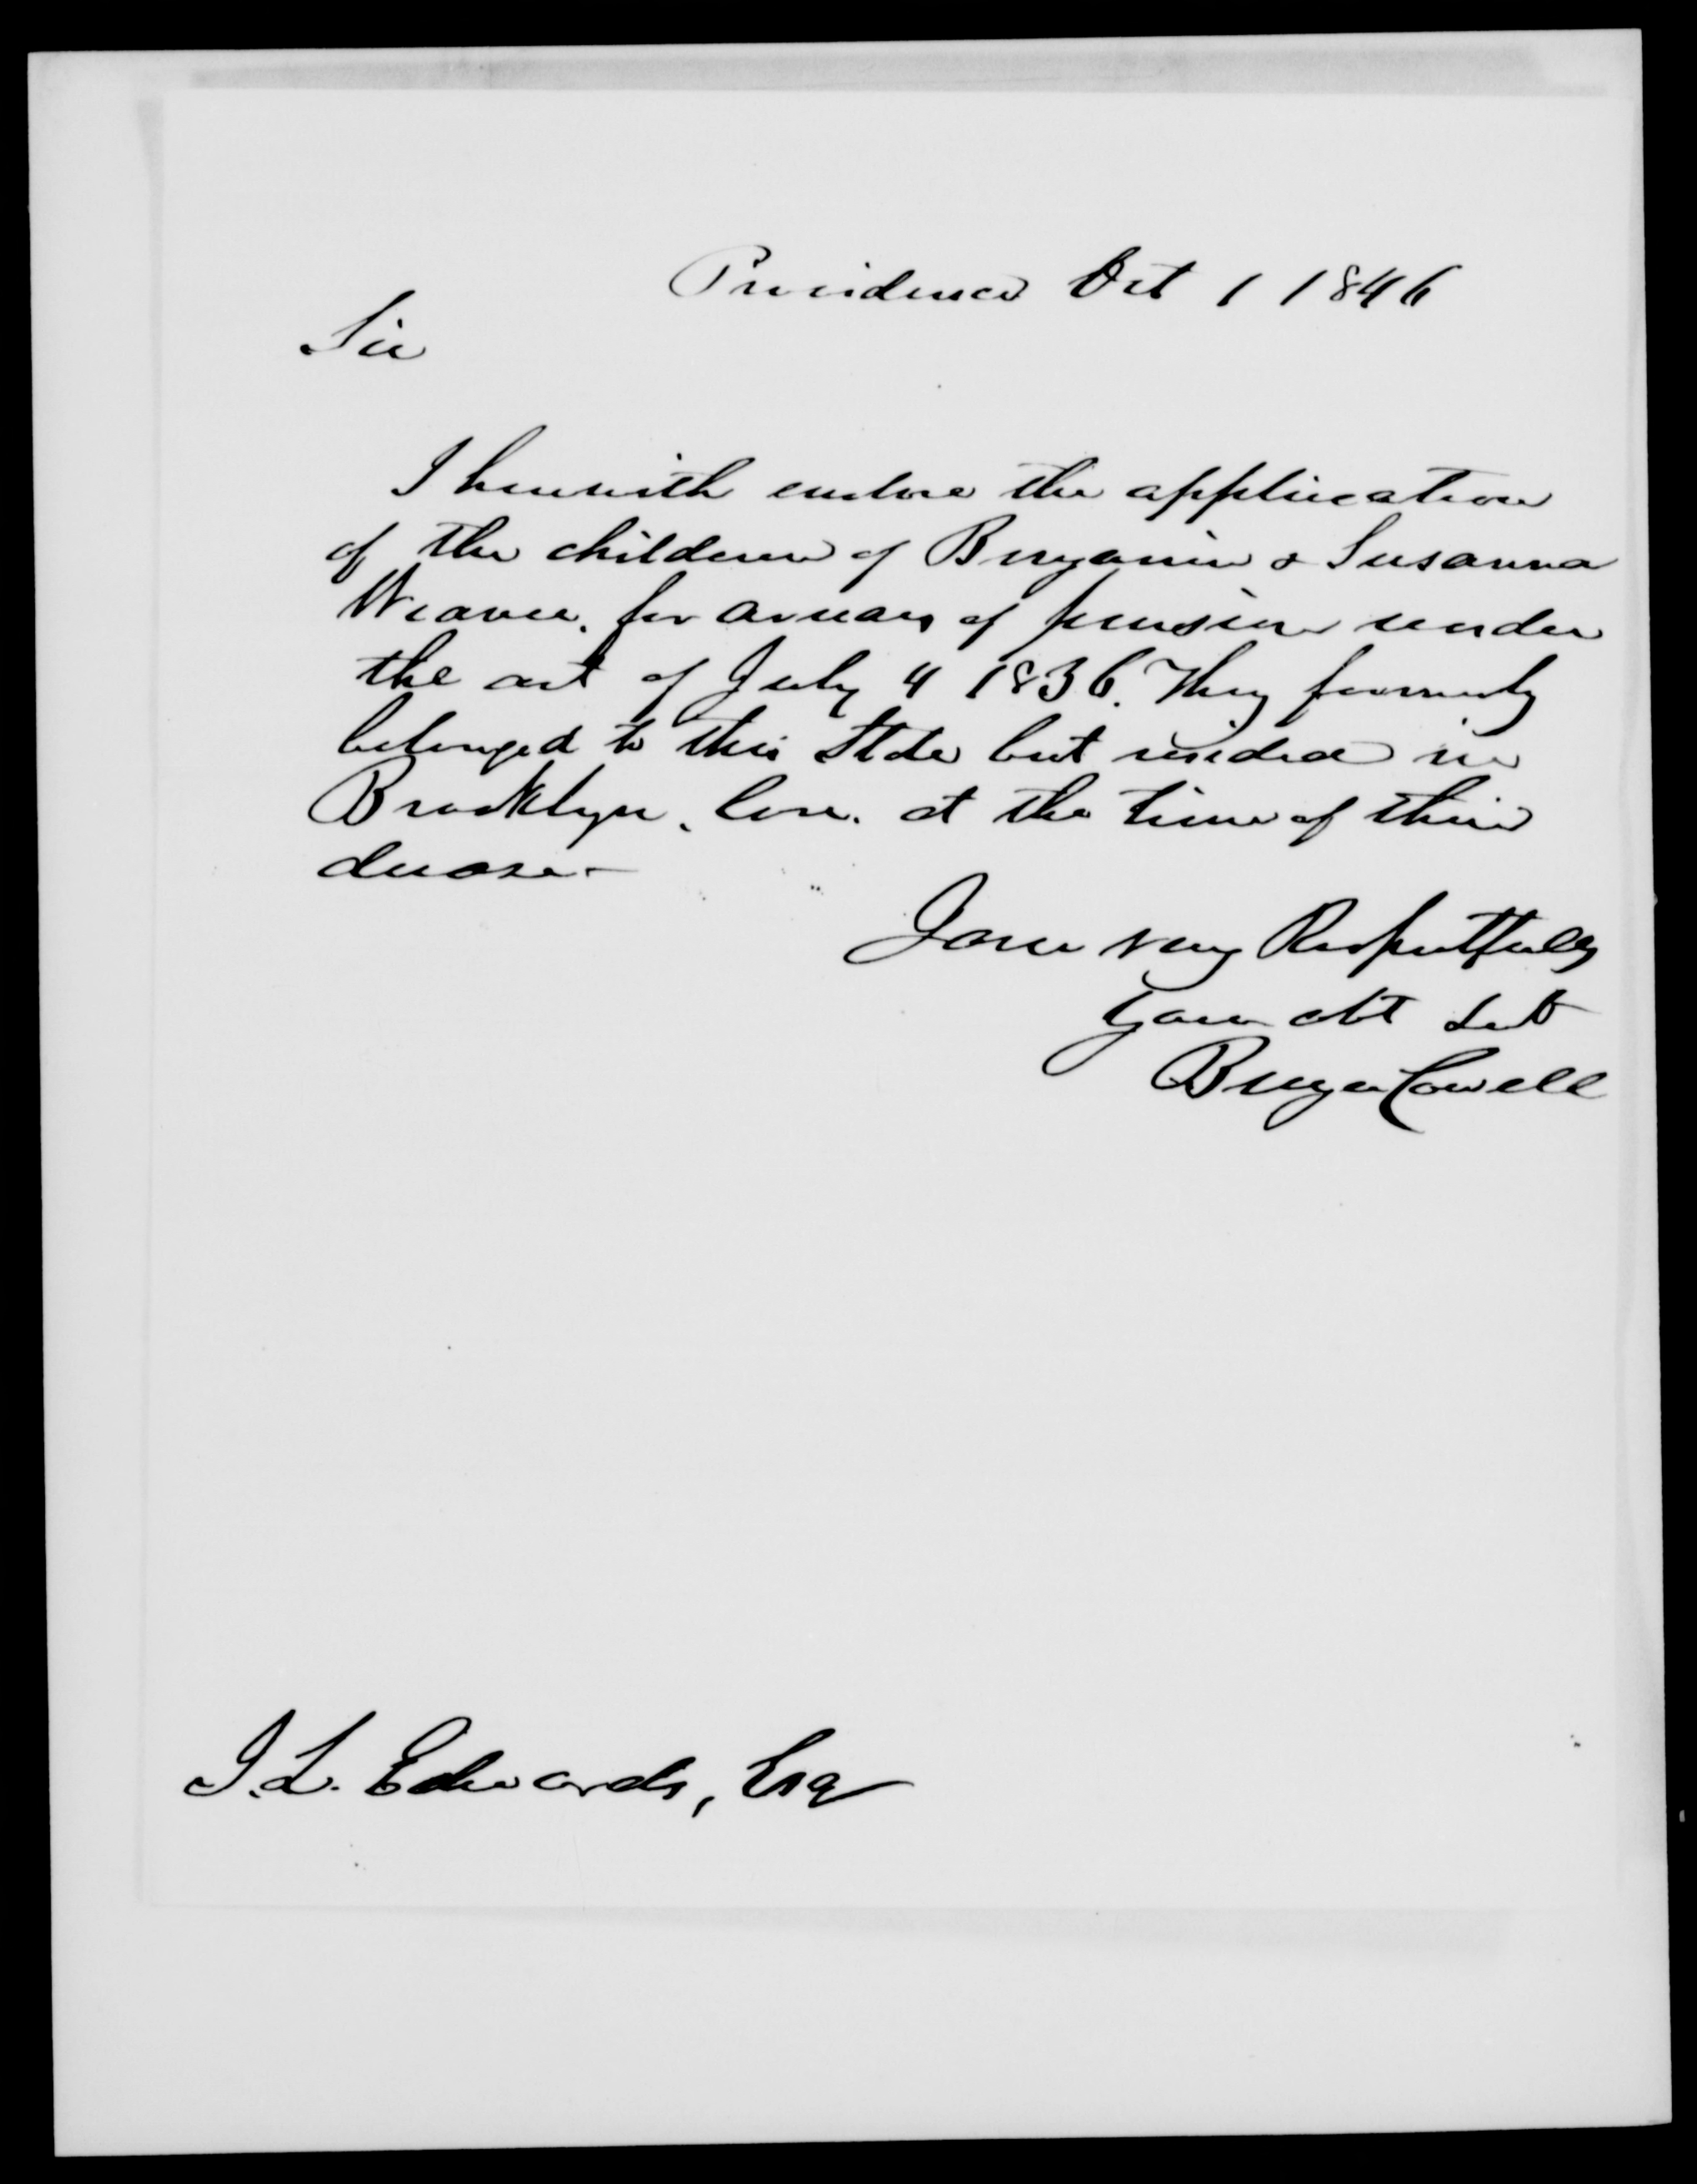Providence Oct 1 1846

Sir

I herewith enclose the application of the children of Benjamin & Susannah Weaver, for answer of pension sender the act of July 4 1836. They formerly belonged to this State but resided in Brooklyn, Con. at the time of their ____

I am Respectfully 
Your obt Ser
Benjamin Cowell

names: J L Edwards, Benjamin Weaver, Benja Cowell, Susanna Weaver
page: 37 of 53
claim: widow's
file: W 17707, Benjamin Weaver, R.I.